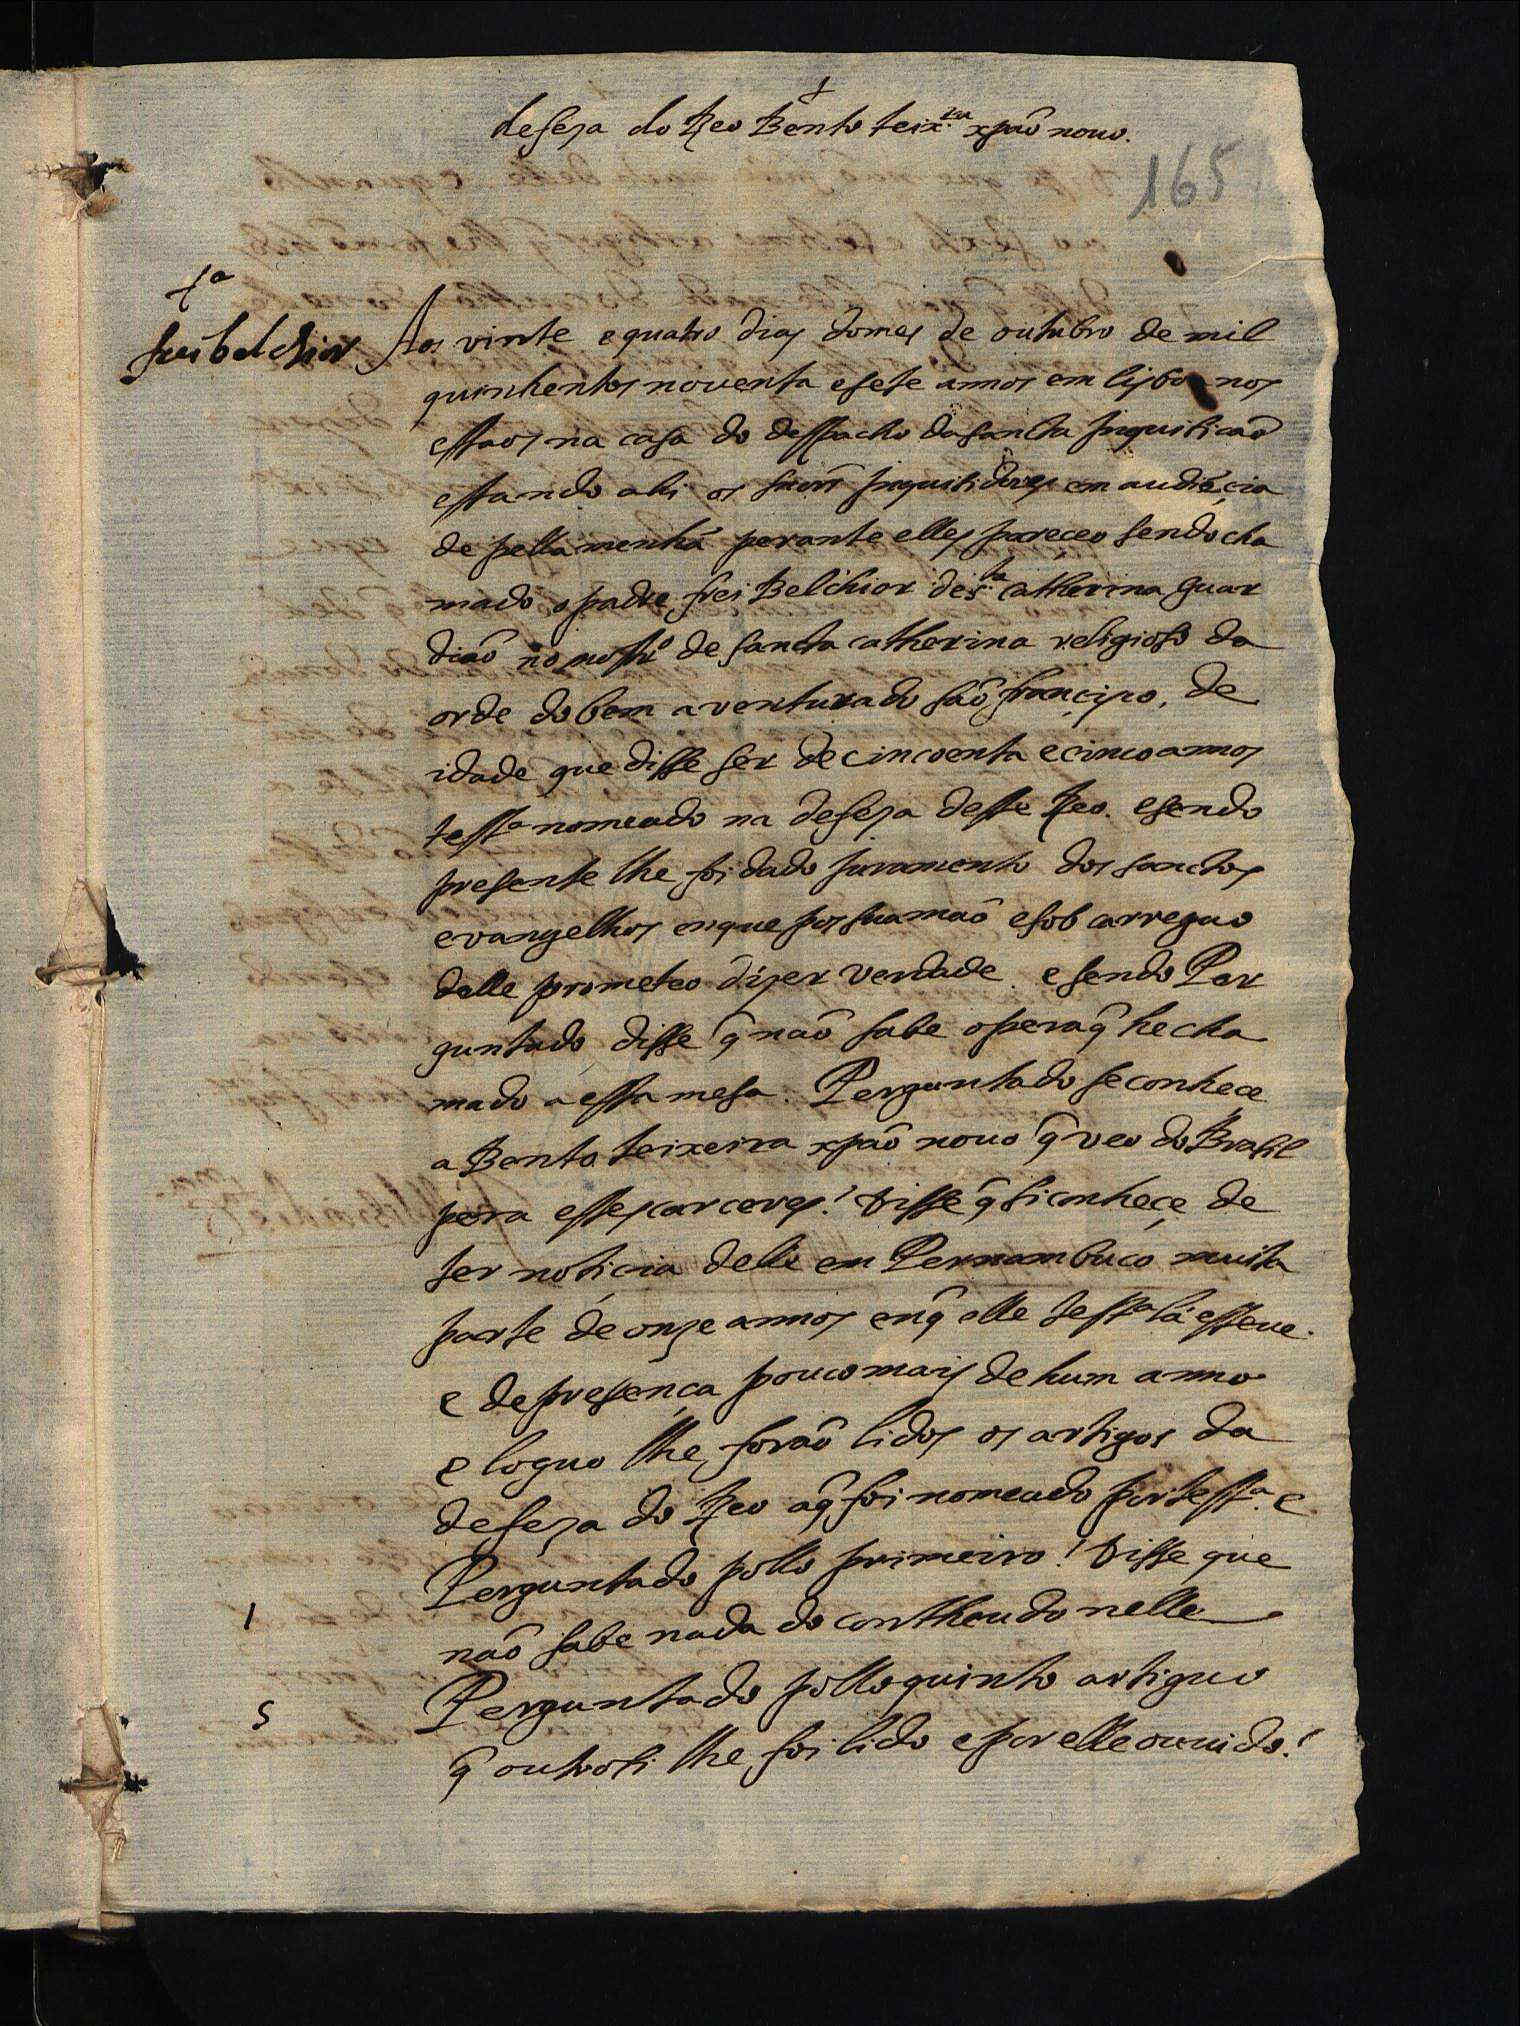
defesa do Reo Bento teixra xpaõ nouo
Aos vinte e quatro dias do mes de outubro de mil
quinhentos nouenta e sete anos em lisboa nos
Estaos na casa do despaho da sancta Jnquisicaõ
estando ahi os snors̄ Jnquisidores em audiēçia
de pella menhā perante elles pareçeo sendo cha
mado o padre frei Belchior de sta catherina Guar
diaõ no mostro de sancta catherina religioso da
orde do bem aventurado saõ françisco de
idade que disse ser de cincoenta e cinco annos
testa nomeado na defeza deste Reo. e sendo
presente lhe foi dado Juramento dos sanctos
evangelhos em que pos sua maõ e sob carreguo
delle prometeo dizer verdade. e sendo Per
guntado, disse q̄ naõ sabe o pera q̄ he cha
mado a esta mesa. Perguntado se conheçe
a Bento teixeira xpaõ nouo q veo do Brasil
pera estes carceres? Disse q̄ si conheçe de
ter notiçia delle em Pernambuco muita
parte de onze anos en q̄ elle testa lá esteue
e de preença pouco mais de hum anno
E loguo lhe foraõ lidos os artigos da
defeza do Reo a q̄ foi nomeado por testa. e
Perguntado pollo primeiro? Disse que
naõ sabe nada do contheudo nelle
Perguntado pollo quinto artiguo
q̄ outrosi lhe foi lido e por elle ouvido?
